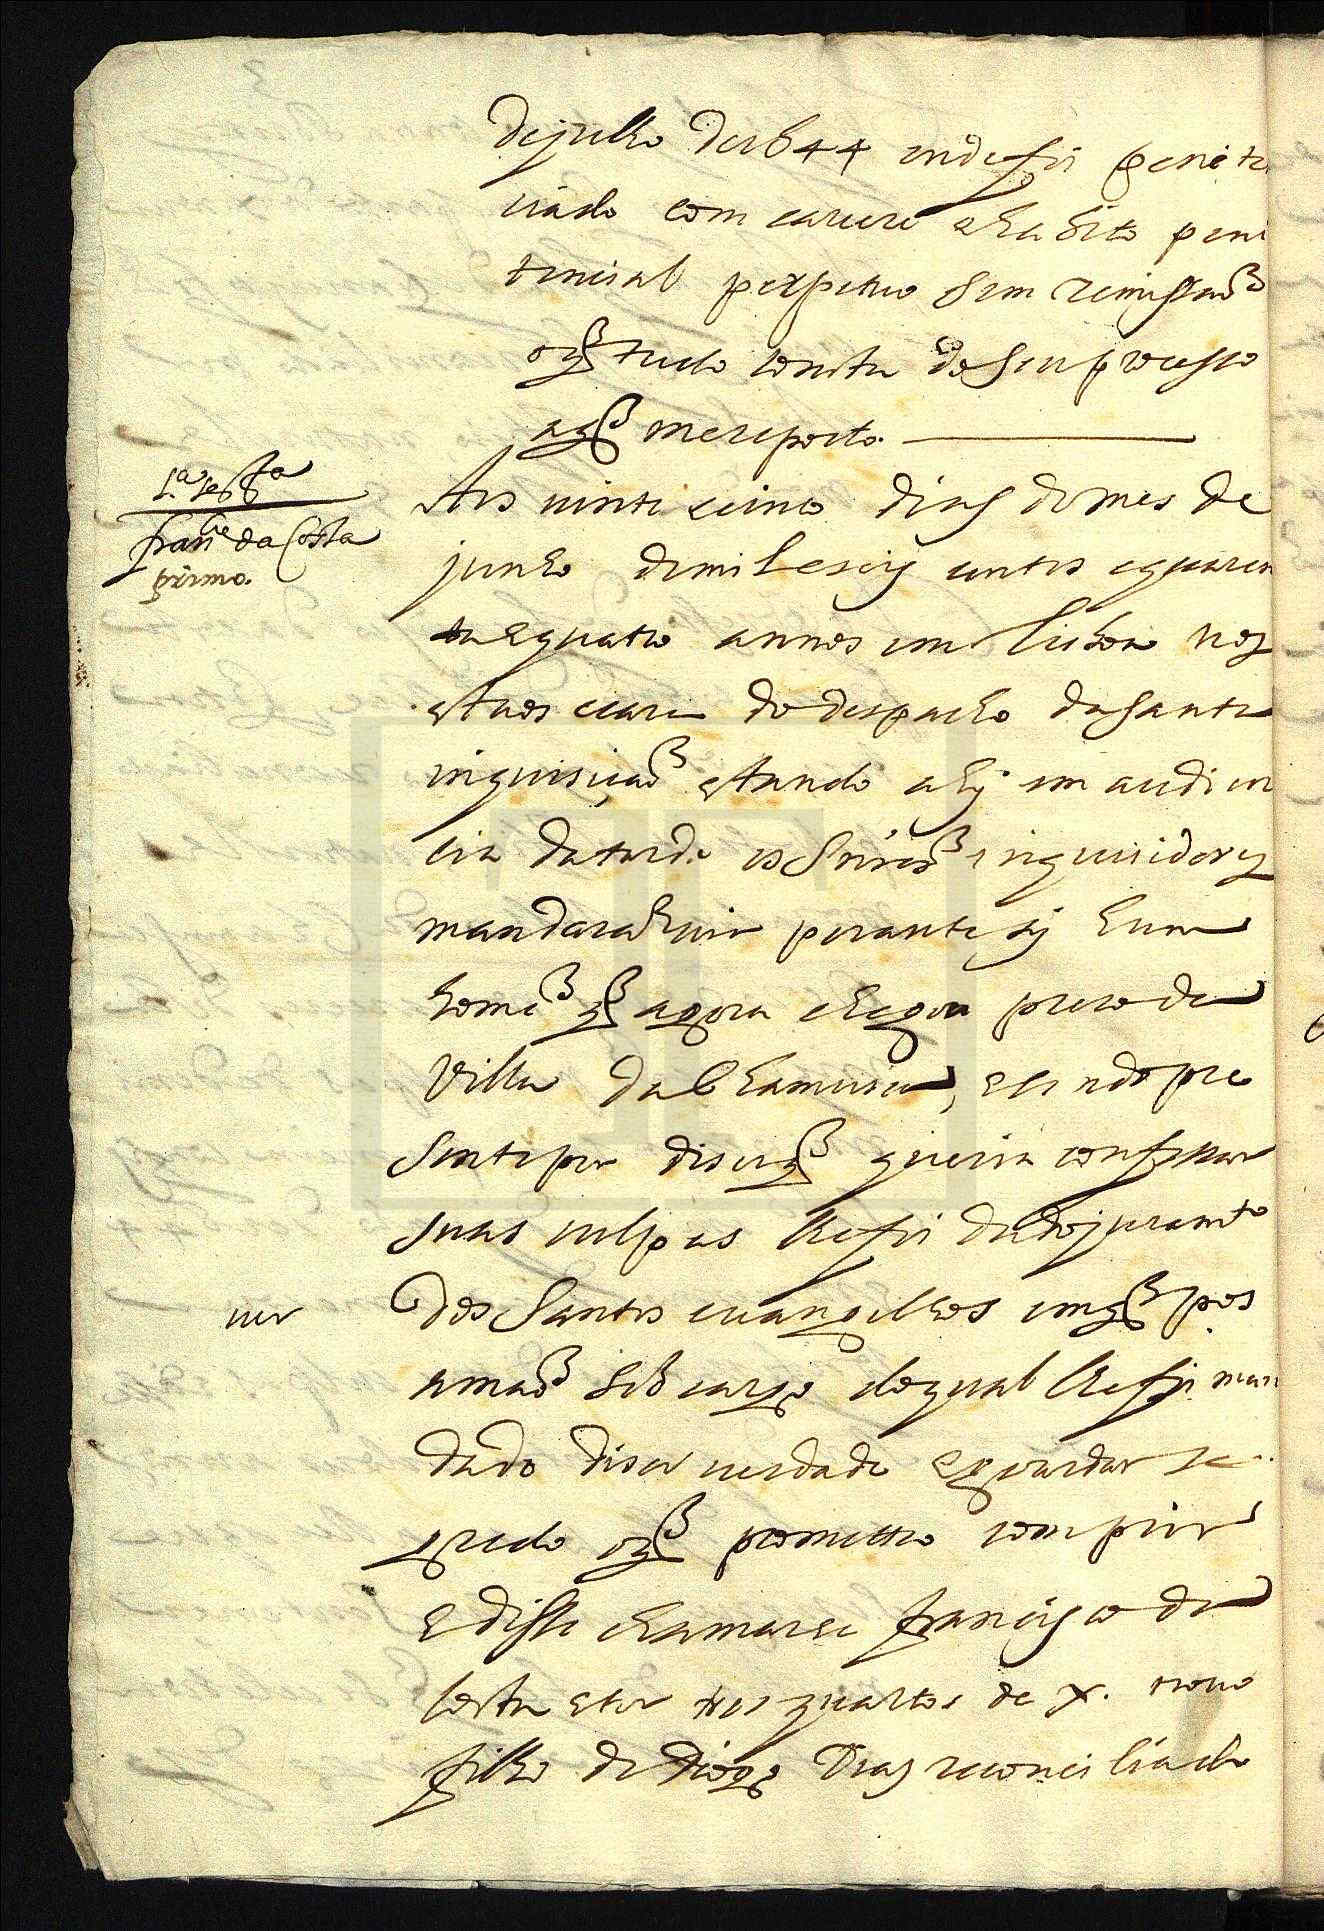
de julho de 1644 onde foi penite
ciado com carcere e habito peni
tencial perpetuo sem remissaõ
o q̄ tudo consta do seu processo
a q̄ me reporto.
Aos vinte cinco dias do mes de
junho de mil e seis centos e quaren
ta e quatro annos em lisboa nos
estaos e caza do despacho da Santa
inquisiçaõ estando ahj em audien
cia da tarde os snr̄es inquisidores
mandaraõ uir perante sj hum
homē q̄ agora chegou prezo da
Villa da Chamusca, e sendo pre
sente por diser q̄ queria confessar
suas culpas lhe foi dado juramto
dos Santos euangelhos em q̄ pos
a maõ sob cargo do qual lhe foi man
dado diser uerdade e goardar se
gudo o q̄ prometteo comprir
e disse chamarse francisco da
Costa e ter tres quartos de x. nouo
filho de Diogo Dias reconciliado
